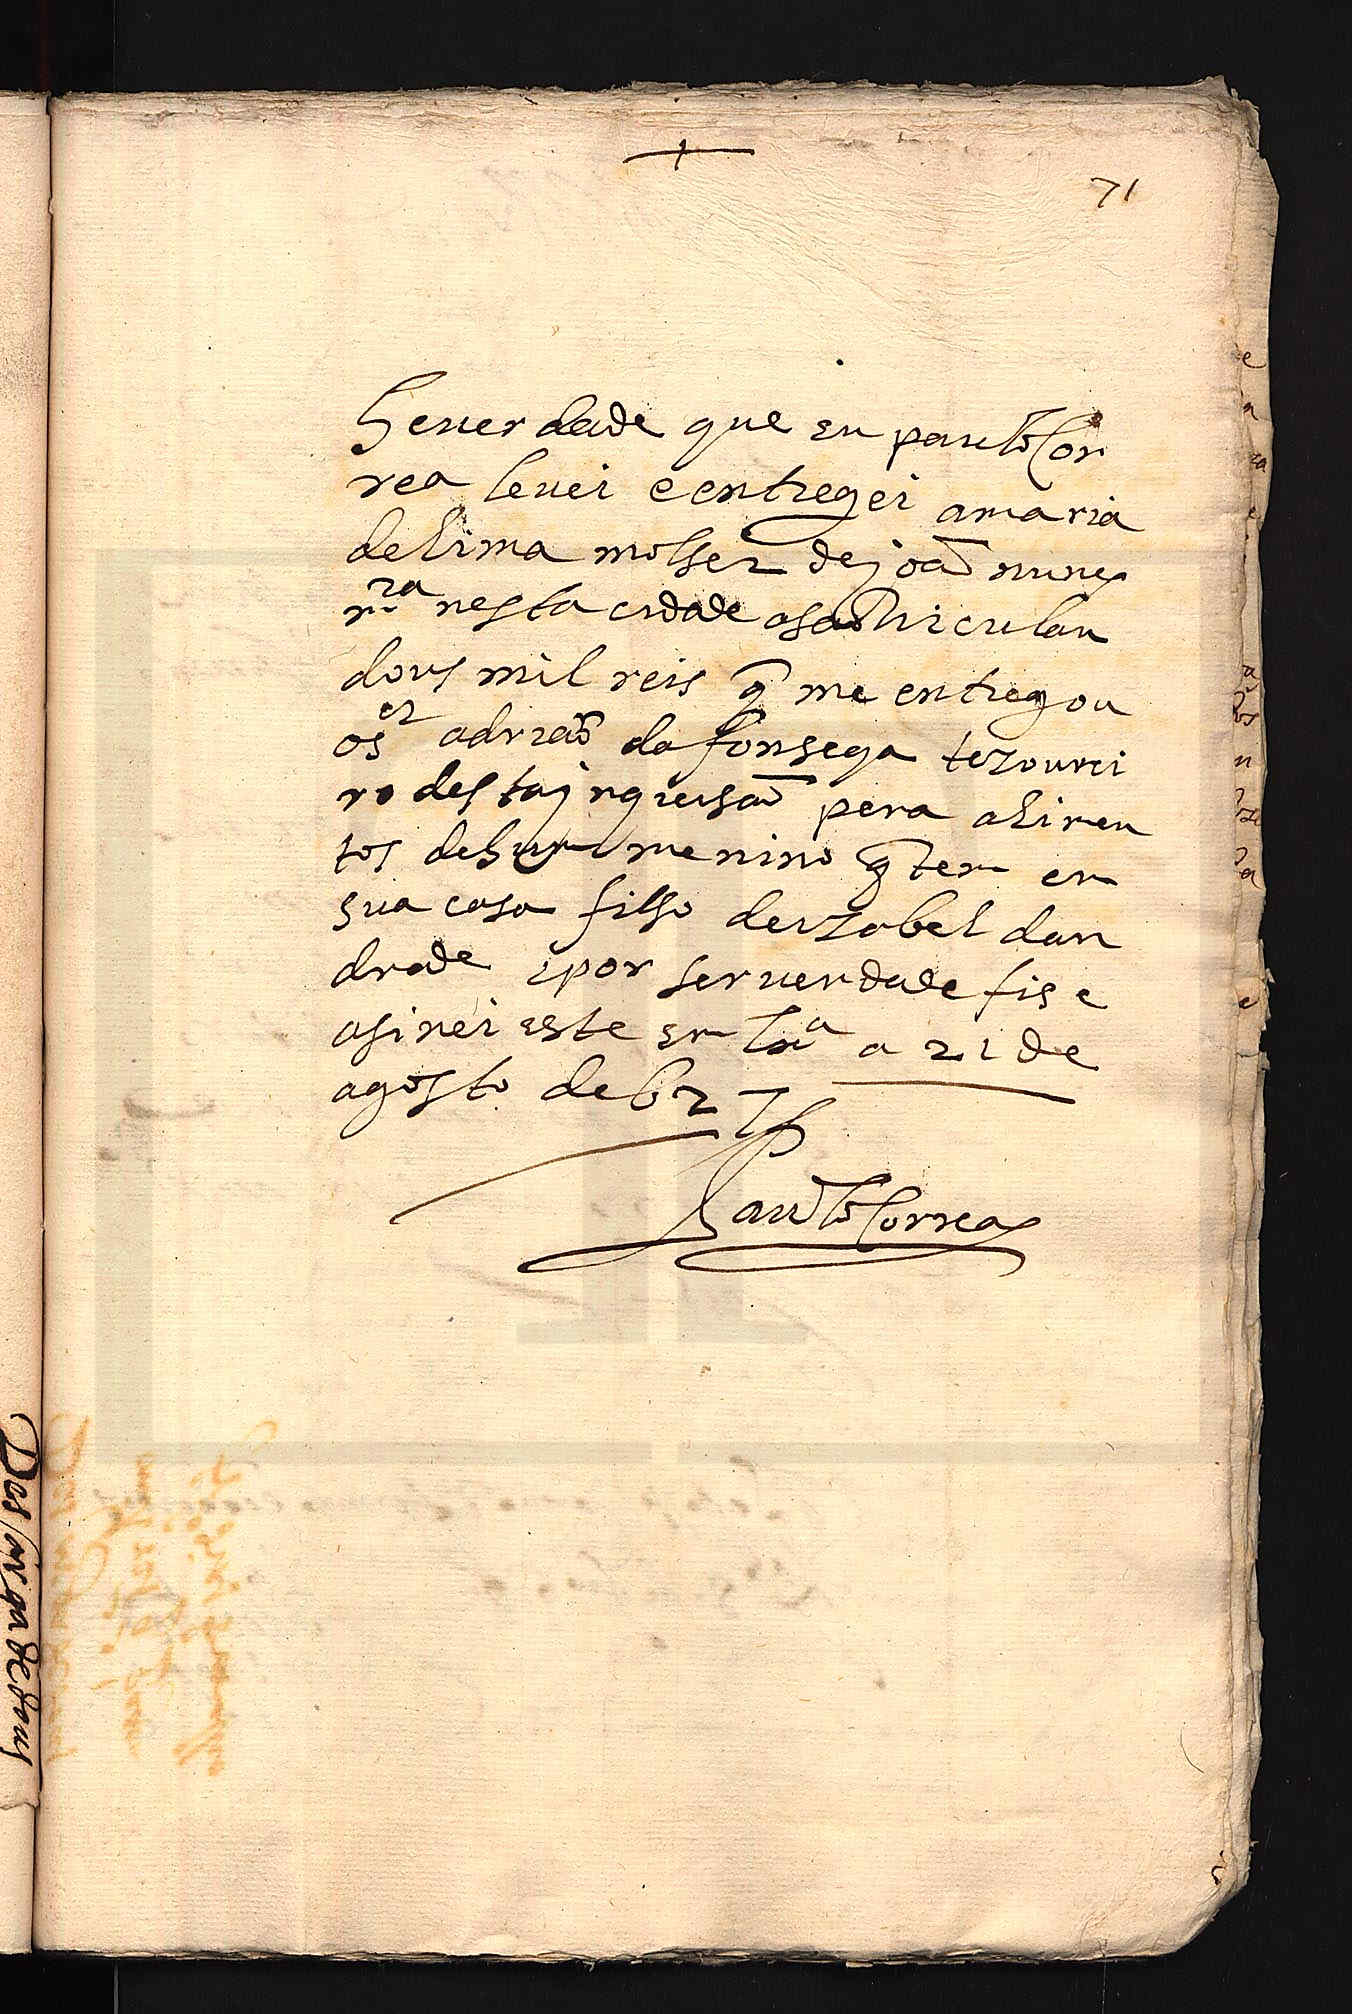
he uerdade que Eu paulo Cor
rea leuei e entregei a maria
de lima molher de joaõ nunes
mra nesta cidade a saõ Niculau
dous mil reis q̄ me entregou
o sor adriaõ da fonseqa tezourei
ro desta jnqicisaõ pera alimen
tos de hum menino q̄ tem em
sua casa filho de izabel dan
drade E por ser uerdade fis e
asinei Este Em lxa a 21 de
agosto de 627
Paulo Correa
